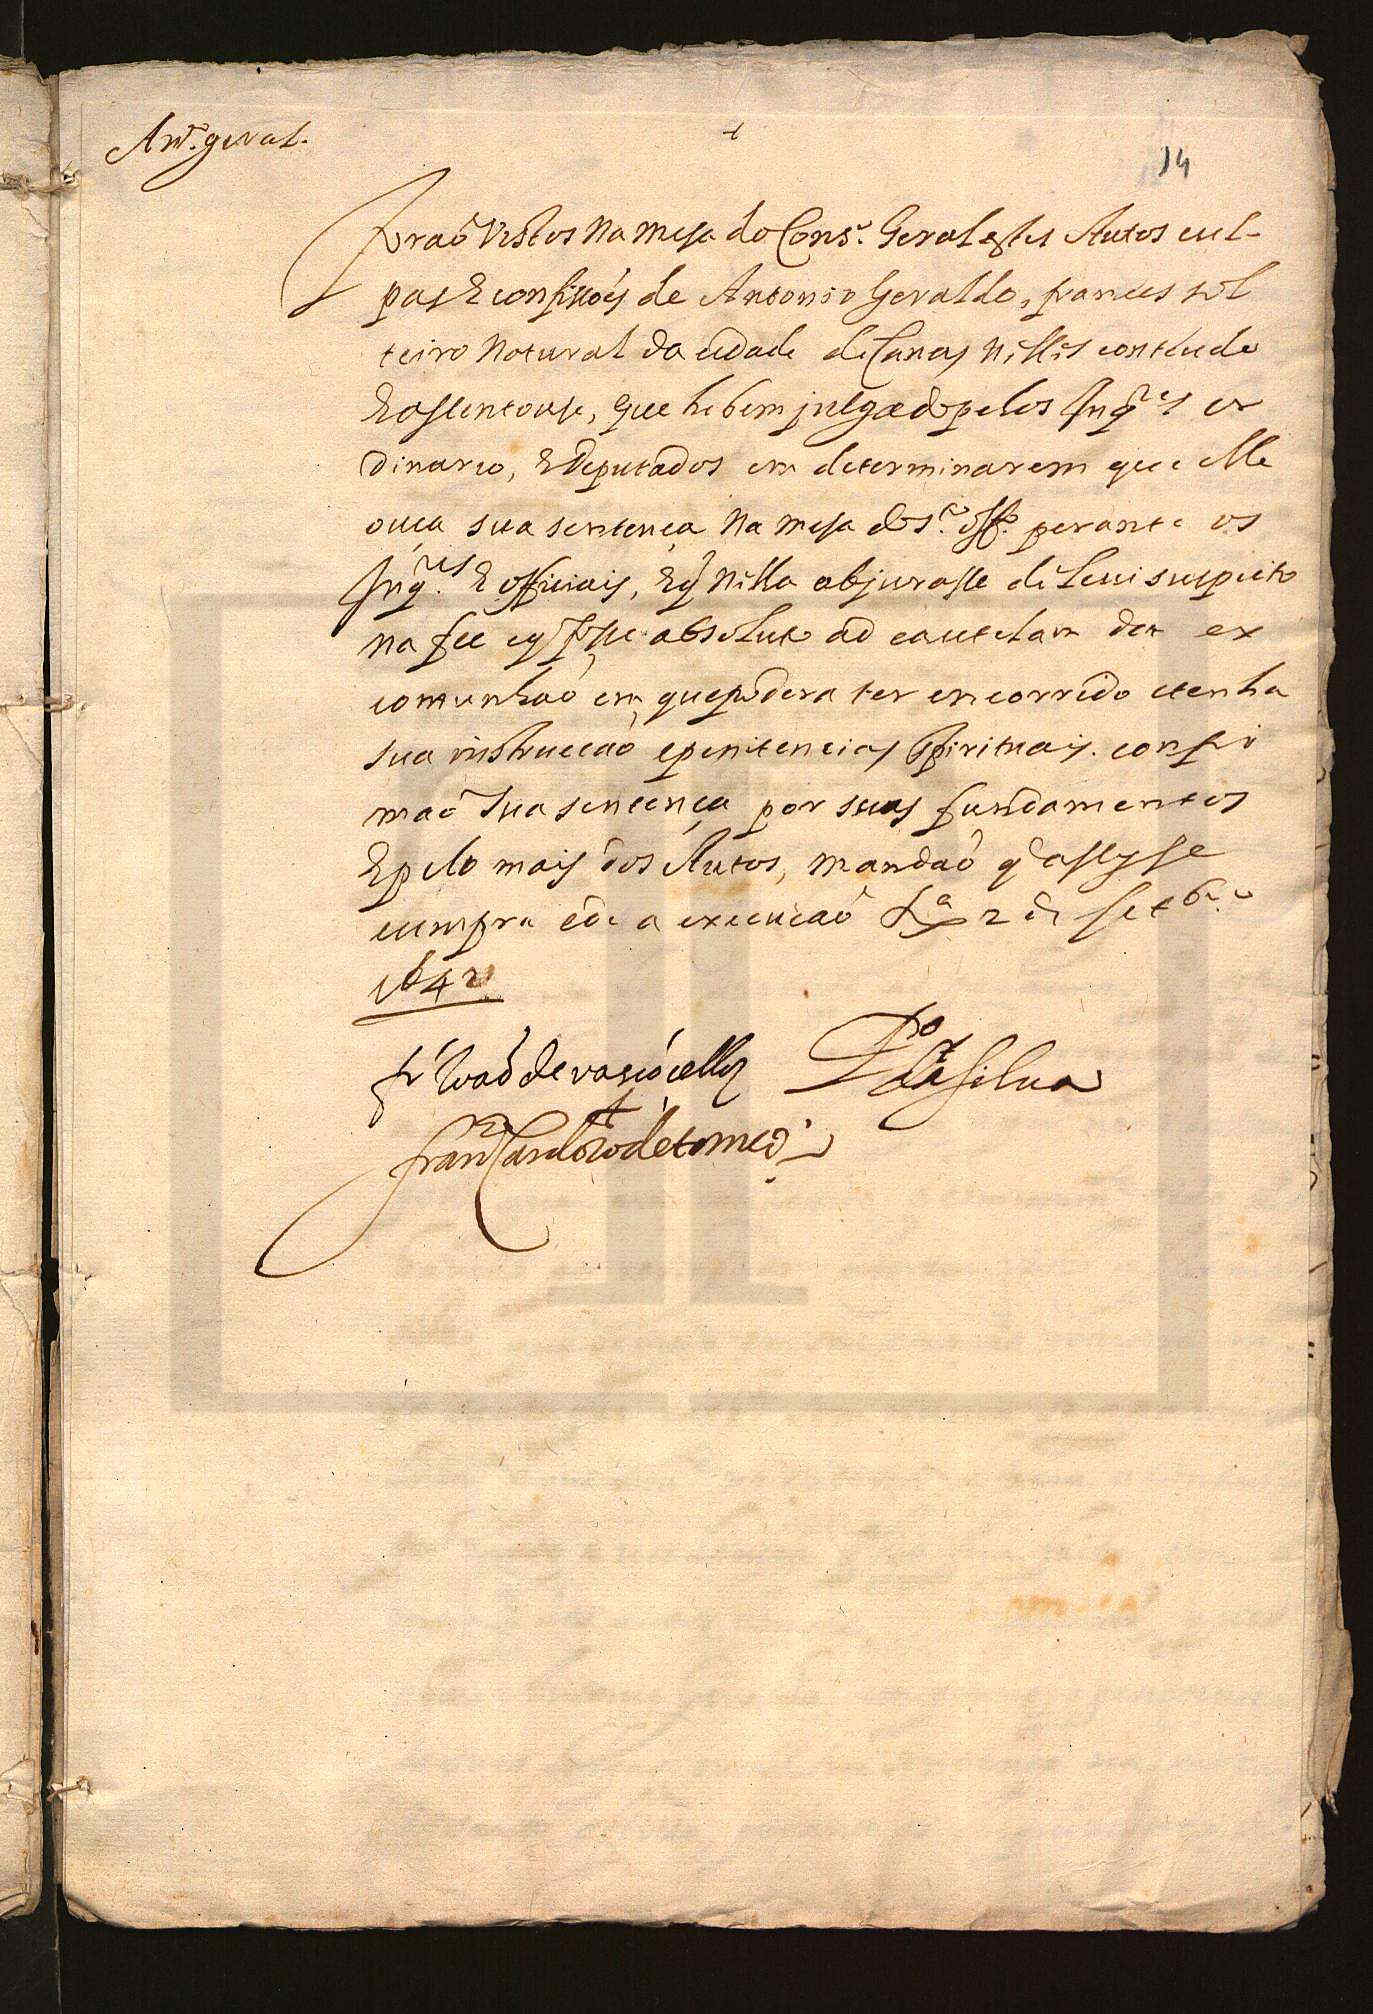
Ant.o geral.
Foraõ vistos na mesa do Cons.o Geral estes Autos cul
pas E confissoẽs de Antonio Geraldo, frances sol
teiro natural da cidade de Canas nelles conteudo
E assentouse, que he bem julgado pelos Jnqres or
dinario, E deputados em determinarem que elle
ouça sua sentença na mesa do s.to off.o perante os
Jnq.res E officiais, E q̄ nella abjurasse de leui suspeito
na fee e q̄ fosse absoluto ad cautelam da ex
comunhaõ em que podera ter encorrido e tenha
sua instrucçaõ e penitencias spirituais. confir
maõ sua sentença por suas fundamentos
E pelo mais dos Autos, mandaõ q̄ assy se
cumpra e de a execuçaõ Lxa 2 de setbr.o
1642
fr̄ Ioaõ de vascōcellos
Po da silua
franco Cardozo de torneo
